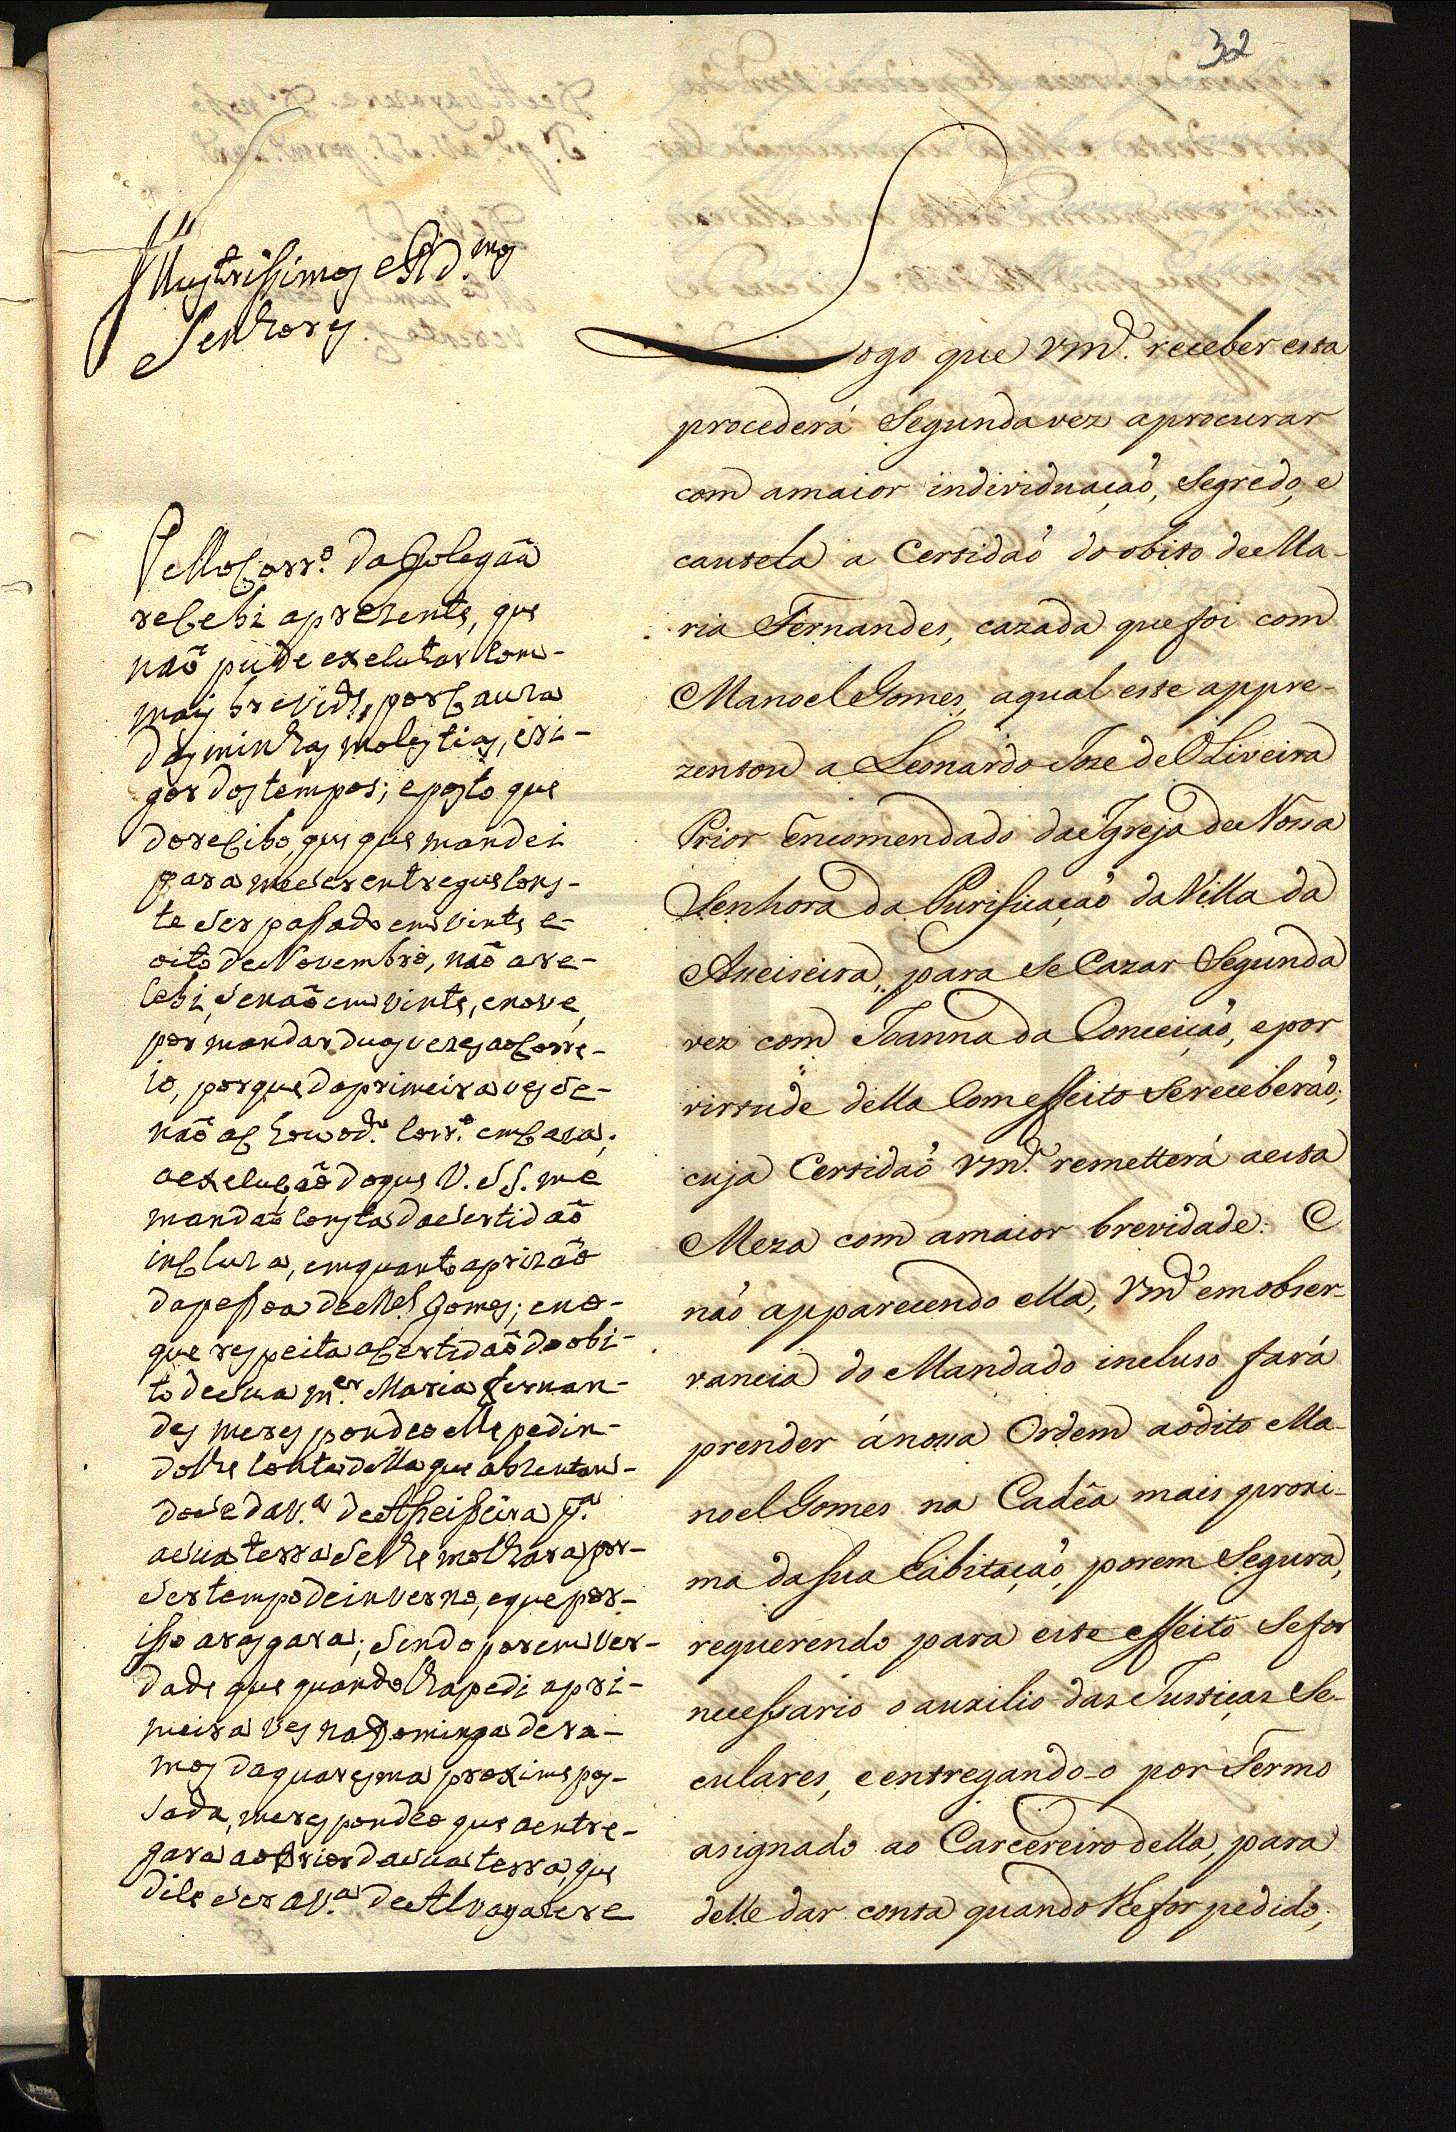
Jllustrissimos e Rd.mos
Senhores.
Pello Carr.o da Golegaā
reCebi a prezente, que
naõ pude executar com
mais brevid.e, por Cauza
das minhas molestias, e ri
gor dos tempos; e posto que
do reCibo, qui que mandei
para me ser entregue Cons
te ser passado em vinte e
oito de Novembro, naõ a re
Cebi senaõ em vinte, e nove
por mandar duas vezes ao Corre
io, porque da primeira ves se
naõ aChou o d.o Corr.o em Caza;
a execuçaõ do que V. SS. me
mandaõ consta da sertidaõ
inCluza, emquanto a prizaõ
da pessoa de M.el Gomes; e no
que respeita a Certidaõ do obi
to de sua m.er Maria fernan
des me respondeo elle pedin
dolhe conta della que abzentan.
dose da v.a de Asseisseira p.a
a sua terra se lhe molhara por
ser tempo de inverno, e que por
isso a rasgara; sendo porem ver
dade que quando lha pedi a pri
meira ves no Domingo de ra
mos da quaresma proxima pas
sada, me respondeo que a entre
gara ao Prior da sua terra, qui
dice ser a V.a de Alvayazere
Logo que v m.e receber esta
procederá Segunda vez a procurar
com a maior individuaçaõ, segredo, e
cautela a certidaõ do obito de Ma
ria Fernandes cazada que foi com
Manoel Gomes, a qual este appre
zentou a Leonardo Ioze de OLiveira
Prior Encomendado da Igreja de Nossa
Senhora da Purificaçaõ da Villa da
Asseireira, para se cazar Segunda
vez com Ioanna da Conceiçaõ, e por
virtude della com effeito se receberaõ,
cuja certidaõ v m.e remetterá a esta
Meza com a maior brevidade. e
naõ apparecendo ella, v m.e em obser
vancia do Mandado incluso fará
prender á nossa Ordem ao dito Ma
noel Gomes na Cadêa mais proxi
ma da sua habitaçaõ, porem Segura,
requerendo para este effeito se for
necessario o auxilio das Iustiças Se
culares, e entregando-o por Termo
asignado ao Carcereiro della, para
delle dar conta quando lhe for pedido;
